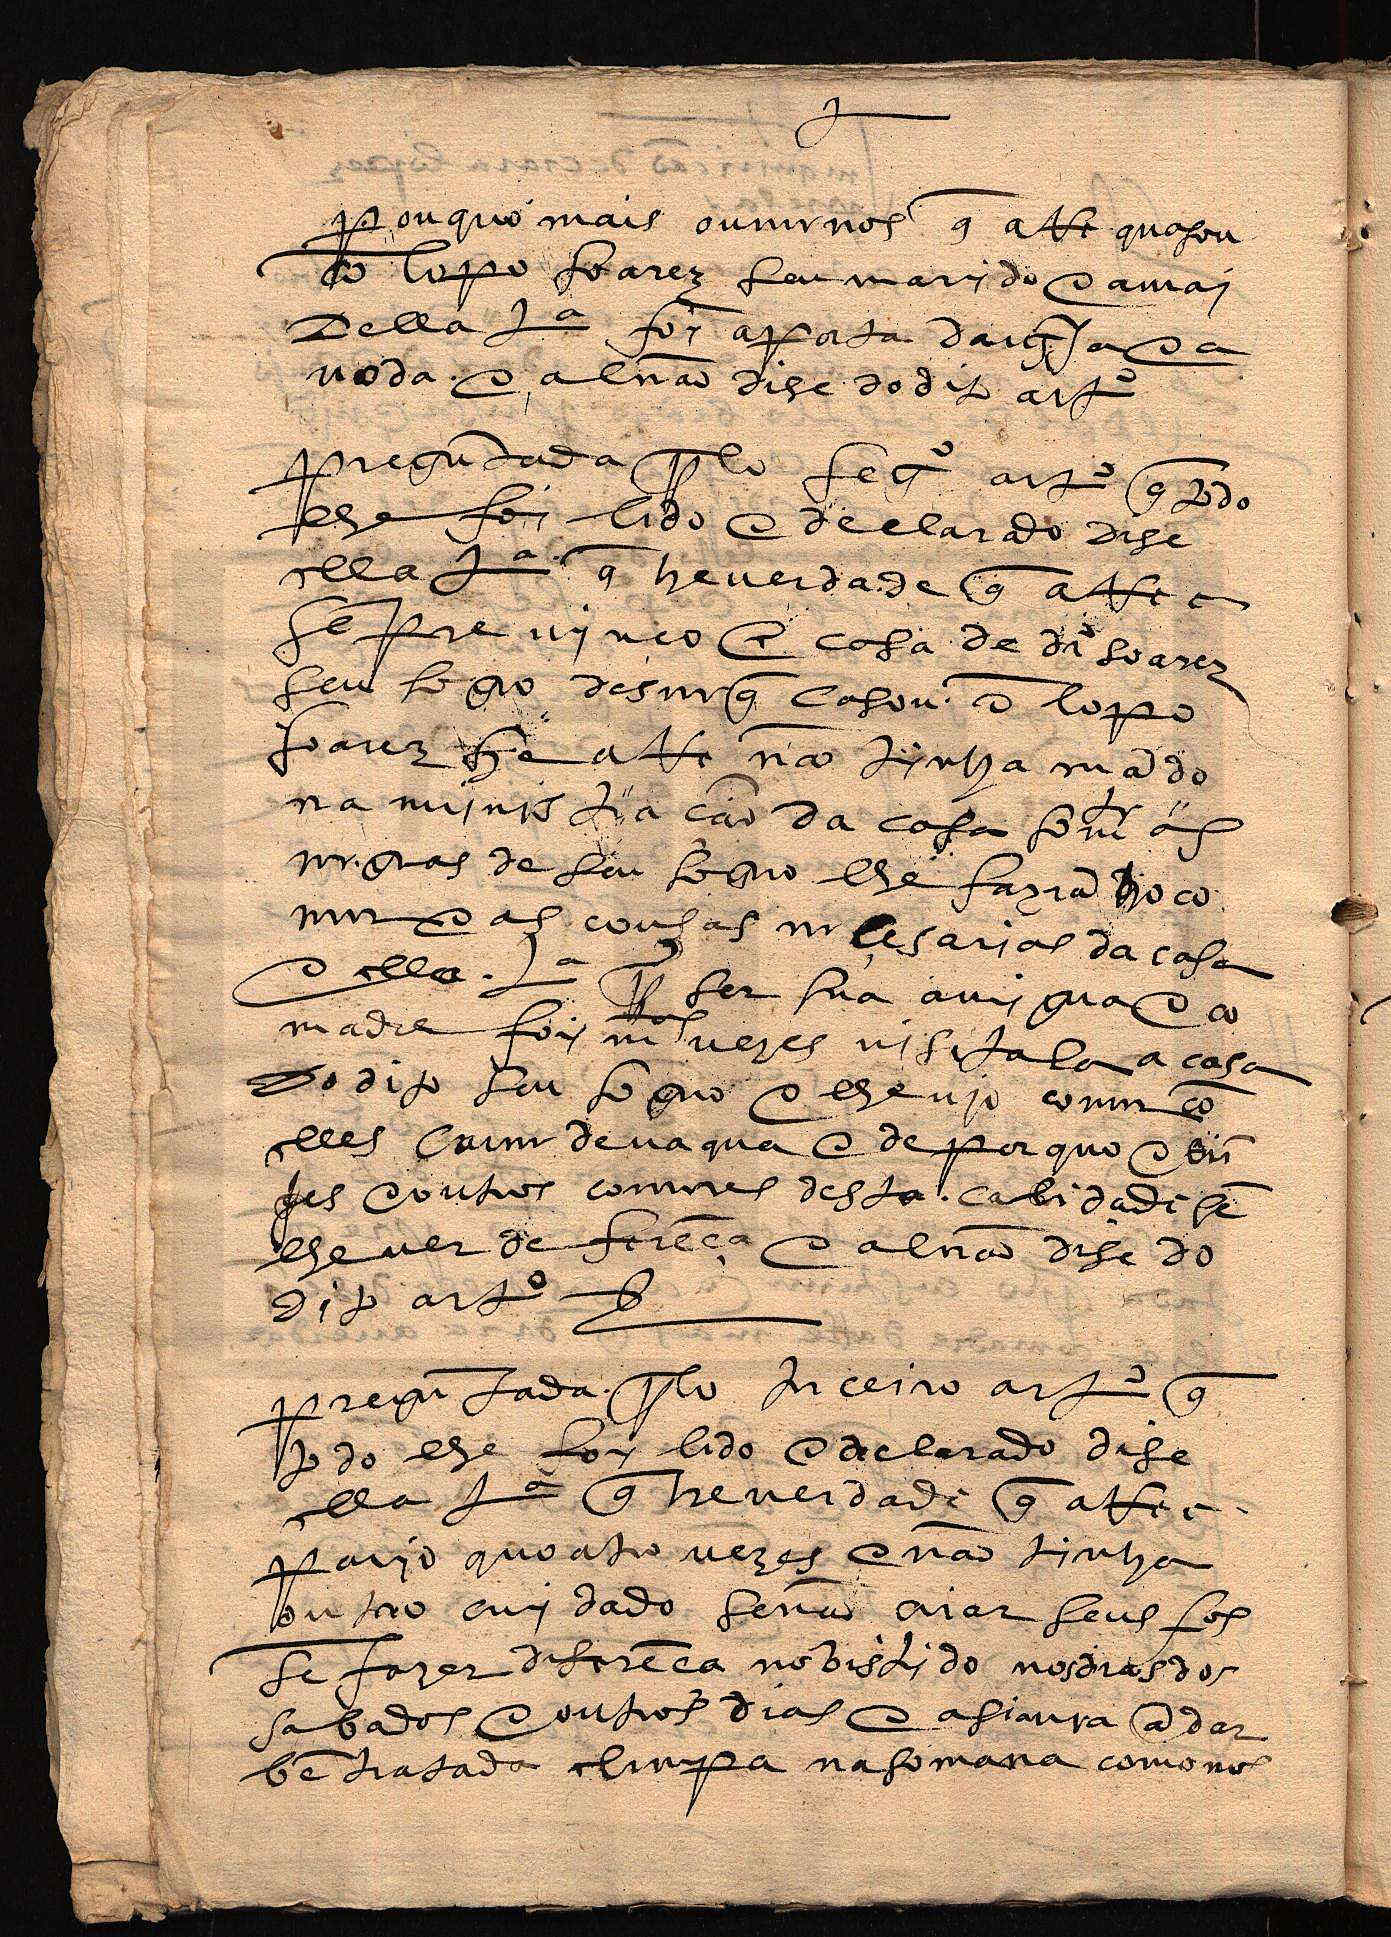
pouquo mais ou menos q̄ a Re quasou
c̄o lopo soarez seu marydo e a maj
Della ta foy a porta da iḡJa e a
uoda. e al não dise do dito arto
pregūtada p̄lo sego arto q̄ todo
lhe foi lido e declarado dise
ella ta q̄ he uerdade q̄ a Ree
sēpre uyueo ē casa de dio soarez
seu sogro desne q̄ casou. c̄o lopo
soarez he a Re não tynha mādo
na mjnjstração da casa somte as
negras de seu sogro lhe faziā ho co
mer e as cousas neçesarias da casa
e ella. ta p̄o ser sua amjgua e co
madre foy mtas uezes uisitala a casa
do dito seu sogro e lhe ujo comer c̄o
elles carne de uaqua e de porquo e brī
jes e outros comeres desta. calidade sē
lhe uer deferēça e al não dise do
dito arto
pregūtada. p̄lo terceiro arto q̄
todo lhe foy lido e declarado dise
ella ta q̄ he uerdade q̄ a Ree
paryo quoatro uezes e não tinha
outro cuydado senão criar seus fos
s̄e fazer diferēça no vistydo nos dias dos
sabados e outros dias e asi a uja ādar
bē tratada e limpa na somana como nos
